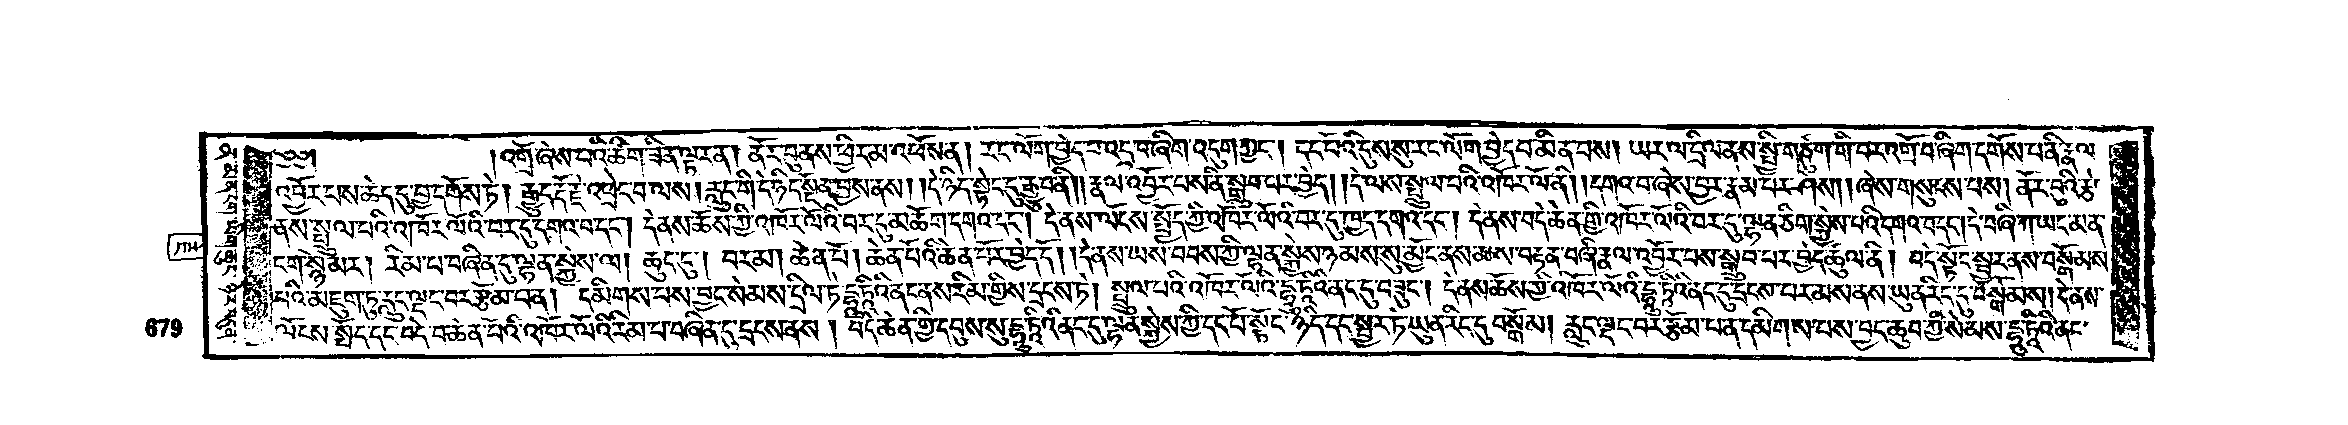༄༅། །འགྲོ་ཞེས་པའི་ཚིག་ཟིན་ལྟར་ན། ནོར་བུ་ནས་ཕྱིར་མ་འཕོས་ན། རང་ལོག་བྱེད་པ་འདྲ་བ་ཞིག་འདུག་ཀྱང་། དང་པོའི་དུས་སུ་རང་ལོག་བྱེད་པ་མིན་པས། ཡར་ལ་དྲིལ་ནས་སྤྱི་གཙུག་གི་བར་འགྲོ་བ་ཞིག་དགོས་པ་ནི་རྣལ་
འབྱོར་པས་ཆེད་དུ་བྱ་དགོས་ཏེ། རྒྱུད་རྡོ་རྗེ་འཕྲེང་བ་ལས། རླུང་གི་དེ་ཉིད་སྔོན་བྱས་ནས། །དེ་ཉིད་སྟེང་དུ་རྒྱུ་བ་ནི། །རྣལ་འབྱོར་པས་ནི་སྒྲུབ་པར་བྱེད། །དེ་ལས་སྤྲུལ་པའི་འཁོར་ལོ་ནི། །དགའ་བ་ཞེས་བྱར་རྣམ་པར་ཤེས། །ཞེས་གསུངས་པས། ནོར་བུའི་རྩེ་
ནས་སྤྲུལ་པའི་འཁོར་ལོའི་བར་དུ་དགའ་བ་དང་། དེ་ནས་ཆོས་ཀྱི་འཁོར་ལོའི་བར་དུ་མཆོག་དགའ་དང་། དེ་ནས་ལོངས་སྤྱོད་ཀྱི་འཁོར་ལོའི་བར་དུ་ཁྱད་དགའ་དང་། དེ་ནས་བདེ་ཆེན་གྱི་འཁོར་ལོའི་བར་དུ་ལྷན་ཅིག་སྐྱེས་པའི་དགའ་བ་དང་། དེ་བཞི་ཀ་ཡང་མན་
ངག་སྙེ་མར། རིམ་པ་བཞིན་དུ་ལྷན་སྐྱེས་ལ། ཆུང་ངུ། བར་མ། ཆེན་པོ། ཆེན་པོའི་ཆེན་པོར་བྱེད་དོ། །དེ་ནས་ཡས་བབས་ཀྱི་ལྷན་སྐྱེས་ཉམས་སུ་མྱོང་ནས་མས་བརྟན་བཞི་རྣལ་འབྱོར་པས་སྒྲུབ་པར་བྱེད་ཚུལ་ནི། བདེ་སྟོང་སྦྱར་ནས་བསྒོམས་
པའི་མཇུག་ཏུ་རླུང་ལྡང་བར་རྩོམ་པ་ན། དམིགས་པས་བྱང་སེམས་དྲིལ་ཏེ་དྷཱུ་ཏཱིའི་ནང་ནས་རིམ་གྱིས་དྲངས་ཏེ། སྤྲུལ་པའི་འཁོར་ལོའི་དྷཱུ་ཏཱིའི་ནང་དུ་བཟུང་། དེ་ནས་ཆོས་ཀྱི་འཁོར་ལོའི་དྷཱུ་ཏཱིའི་ནང་དུ་དྲངས་པར་མས་ནས་ཡུན་རིང་དུ་བསྒོམས། དེ་ནས་
ལོངས་སྤྱོད་དང་བདེ་བ་ཆེན་པོའི་འཁོར་ལོའི་རིམ་པ་བཞིན་དུ་དྲངས་ནས། བདེ་ཆེན་གྱི་དབུས་སུ་དྷཱུ་ཏཱིའི་ནང་དུ་ལྷན་སྐྱེས་ཀྱི་དང་པོ་སྟོང་ཉིད་དང་སྦྱར་ཏེ་ཡུན་རིང་དུ་བསྒོམ། རླུང་ལྡང་བར་རྩོམ་པ་ན་དམིགས་པས་བྱང་ཆུབ་ཀྱི་སེམས་དྷཱུ་ཏཱིའི་ནང་